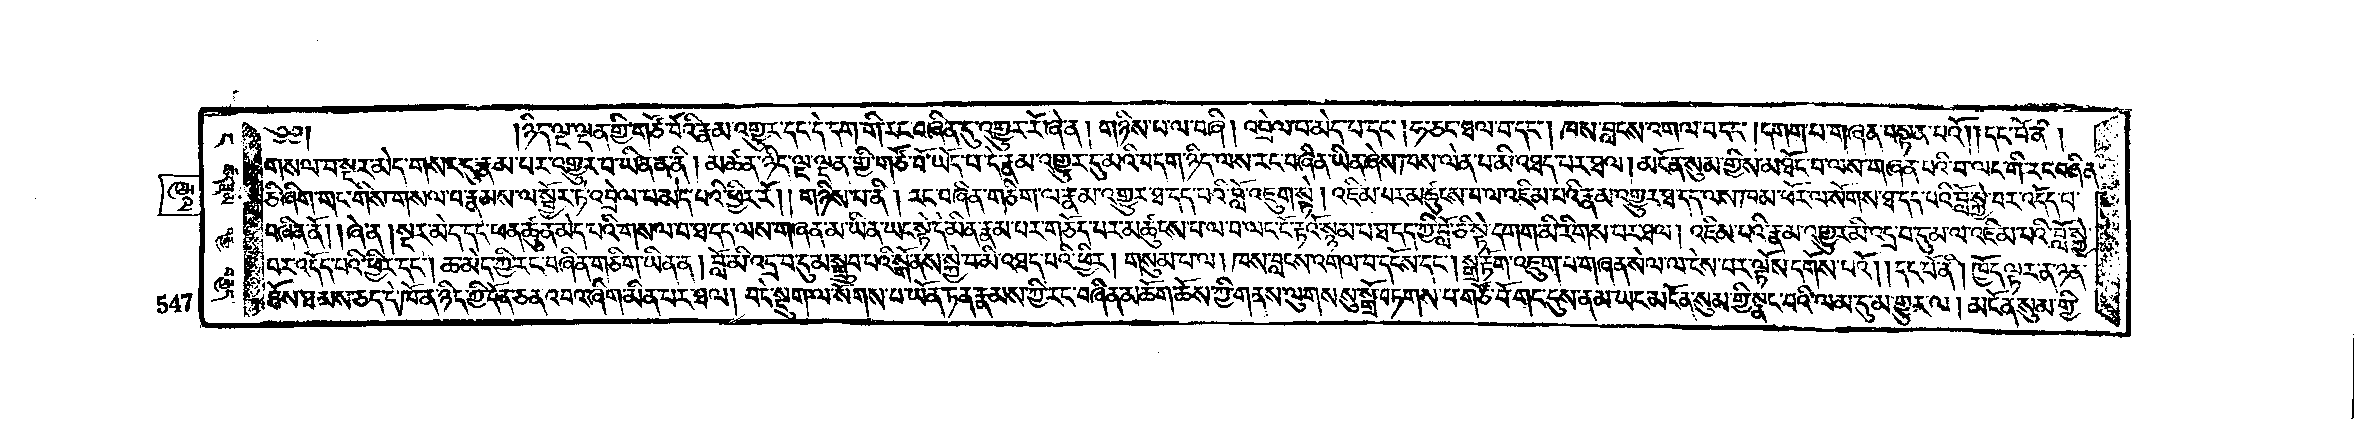༄༅། །ཉིད་ལྔ་ལྡན་གྱི་གཙོ་བོའི་རྣམ་འགྱུར་དང་དེ་དག་གི་རང་བཞིན་དུ་འགྱུར་རོ་ཞེ་ན། གཉིས་པ་ལ་བཞི། འབྲེལ་པ་མེད་པ་དང་། ཧ་ཅང་ཐལ་བ་དང་། ཁས་བླངས་འགལ་བ་དང་། དགག་པ་གཞན་བསྟན་པའོ། །དང་པོ་ནི།
གསལ་བ་སྔར་མེད་གསར་དུ་རྣམ་པར་འགྱུར་བ་ཡིན་ན་ནི། མཚན་ཉིད་ལྔ་ལྡན་གྱི་གཙོ་བོ་ཡོད་པ་དེ་རྣམ་འགྱུར་དུ་མའི་བདག་ཉིད་ལས་རང་བཞིན་ཡིན་ཞེས་ཁས་ལེན་པ་མི་འཐད་པར་ཐལ། མངོན་སུམ་གྱིས་མཐོང་བ་ལས་གཞན་པའི་བ་ལང་གི་རང་བཞིན་
ཅི་ཞིག་གང་གིས་གསལ་བ་རྣམས་ལ་སྦྱོར་ཏེ་འབྲེལ་པ་མེད་པའི་ཕྱིར་རོ། །གཉིས་པ་ནི། རང་བཞིན་གཅིག་ལ་རྣམ་འགྱུར་ཐ་དད་པའི་བློ་འཇུག་སྟེ། འཇིམ་པར་མཚུངས་པ་ལ་འཇིམ་པའི་རྣམ་འགྱུར་ཐ་དད་ལས་ཁམ་ཕོར་ལ་སོགས་ཐ་དད་པའི་བློ་སྐྱེ་བར་འདོད་པ་
བཞིན་ནོ། །ཞེ་ན། སྔར་མེད་དང་ཕན་ཚུན་མེད་པའི་གསལ་བ་ཐ་དད་ལས་གཞན་མ་ཡིན་ཡང་སྟེ་དེ་མིན་རྣམ་པར་གཅོད་པར་མཚུངས་པ་ལ་བ་ལང་ངོ་རྟའོ་སྙམ་པ་ཐ་དད་ཀྱི་བློ་ཅི་སྟེ་དགག་མི་རིགས་པར་ཐལ། འཇིམ་པའི་རྣམ་འགྱུར་མི་འདྲ་བ་དུ་མ་ལ་འཇིམ་པའི་བློ་སྐྱེ་
བར་འདོད་པའི་ཕྱིར་དང་། ཆ་མེད་ཀྱི་རང་བཞིན་གཅིག་ཡིན་ན། བློ་མི་འདྲ་བ་དུ་མ་སྒྲུབ་པའི་སྒོ་ནས་སྐྱེ་བ་མི་འཐད་པའི་ཕྱིར། གསུམ་པ་ལ། ཁས་བླངས་འགལ་བ་དངོས་དང་། སྒྲ་རྟོག་འཇུག་པ་གཞན་སེལ་ལ་ངེས་པར་ལྟོས་དགོས་པའོ། །དང་པོ་ནི། ཁྱོད་ལྟར་ན་ཉན་
ཐོས་ཐམས་ཅད་དེ་ཁོ་ན་ཉིད་ཀྱི་དོན་ཅན་འབའ་ཞིག་མིན་པར་ཐལ། བདེ་སྡུག་ལ་སོགས་པ་ཡོན་ཏན་རྣམས་ཀྱི་རང་བཞིན་མཆོག་ཆོས་ཀྱི་གནས་ལུགས་སུ་སྒྲོ་བཏགས་པ་གཙོ་བོ་གང་དུས་ནམ་ཡང་མངོན་སུམ་གྱི་སྣང་བའི་ལམ་དུ་མ་གྱུར་ལ། མངོན་སུམ་གྱི་